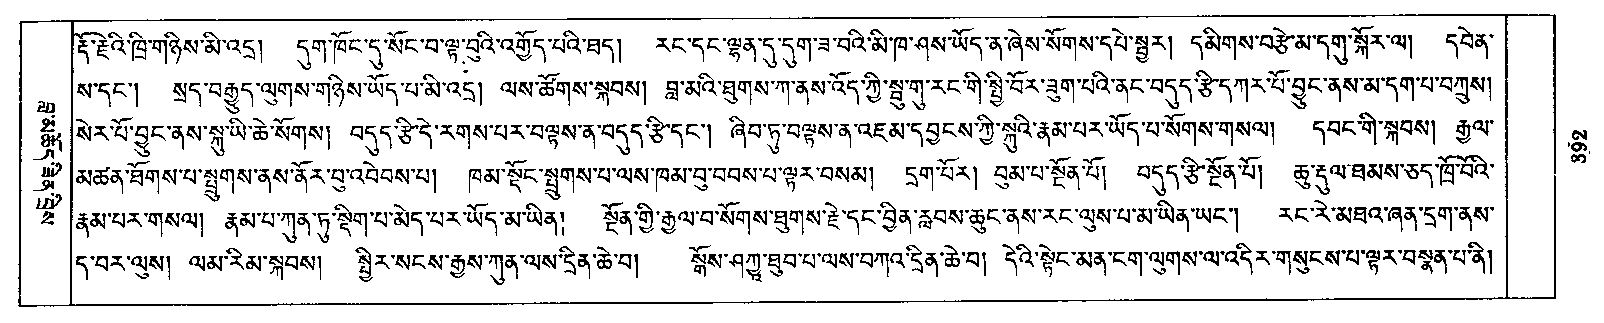རྡོ་རྗེའི་ཁྲི་གཉིས་མི་འདྲ། དུག་ཁོང་དུ་སོང་བ་ལྟ་བུའི་འགྱོད་པའི་ཐད། རང་དང་ལྷན་དུ་དུག་ཟ་བའི་མི་ཁ་ཤས་ཡོད་ན་ཞེས་སོགས་དཔེ་སྦྱར། དམིགས་བརྩེ་མ་དགུ་སྐོར་ལ། དབེན་
ས་དང་། སྲད་བརྒྱུད་ལུགས་གཉིས་ཡོད་པ་མི་འདྲ། ལས་ཚོགས་སྐབས། བླ་མའི་ཐུགས་ཀ་ནས་འོད་ཀྱི་སྦུ་གུ་རང་གི་སྤྱི་བོར་ཟུག་པའི་ནང་བདུད་རྩི་དཀར་པོ་བྱུང་ནས་མ་དག་པ་བཀྲུས།
སེར་པོ་བྱུང་ནས་སྐུ་ཡི་ཆེ་སོགས། བདུད་རྩི་དེ་རགས་པར་བལྟས་ན་བདུད་རྩི་དང་། ཞིབ་ཏུ་བལྟས་ན་འཇམ་དབྱངས་ཀྱི་སྐུའི་རྣམ་པར་ཡོད་པ་སོགས་གསལ། དབང་གི་སྐབས། རྒྱལ་
མཚན་ཐོགས་པ་སྤྲུགས་ནས་ནོར་བུ་འབེབས་པ། ཁམ་སྡོང་སྤྲུགས་པ་ལས་ཁམ་བུ་བབས་པ་ལྟར་བསམ། དྲག་པོར། བུམ་པ་སྔོན་པོ། བདུད་རྩི་སྔོན་པོ། ཆུ་རྡུལ་ཐམས་ཅད་ཁྲོ་བོའི་
རྣམ་པར་གསལ། རྣམ་པ་ཀུན་ཏུ་སྡིག་པ་མེད་པར་ཡོད་མ་ཡིན། སྔོན་གྱི་རྒྱལ་བ་སོགས་ཐུགས་རྗེ་དང་བྱིན་རླབས་ཆུང་ནས་རང་ལུས་པ་མ་ཡིན་ཡང་། རང་རེ་མཐའ་ཞན་དྲག་ནས་
ད་བར་ལུས། ལམ་རིམ་སྐབས། སྤྱིར་སངས་རྒྱས་ཀུན་ལས་དྲིན་ཆེ་བ། སྒོས་ཤཱཀྱ་ཐུབ་པ་ལས་བཀའ་དྲིན་ཆེ་བ། དེའི་སྟེང་མན་ངག་ལུགས་ལ་འདིར་གསུངས་པ་ལྟར་བསྣན་པ་ནི།